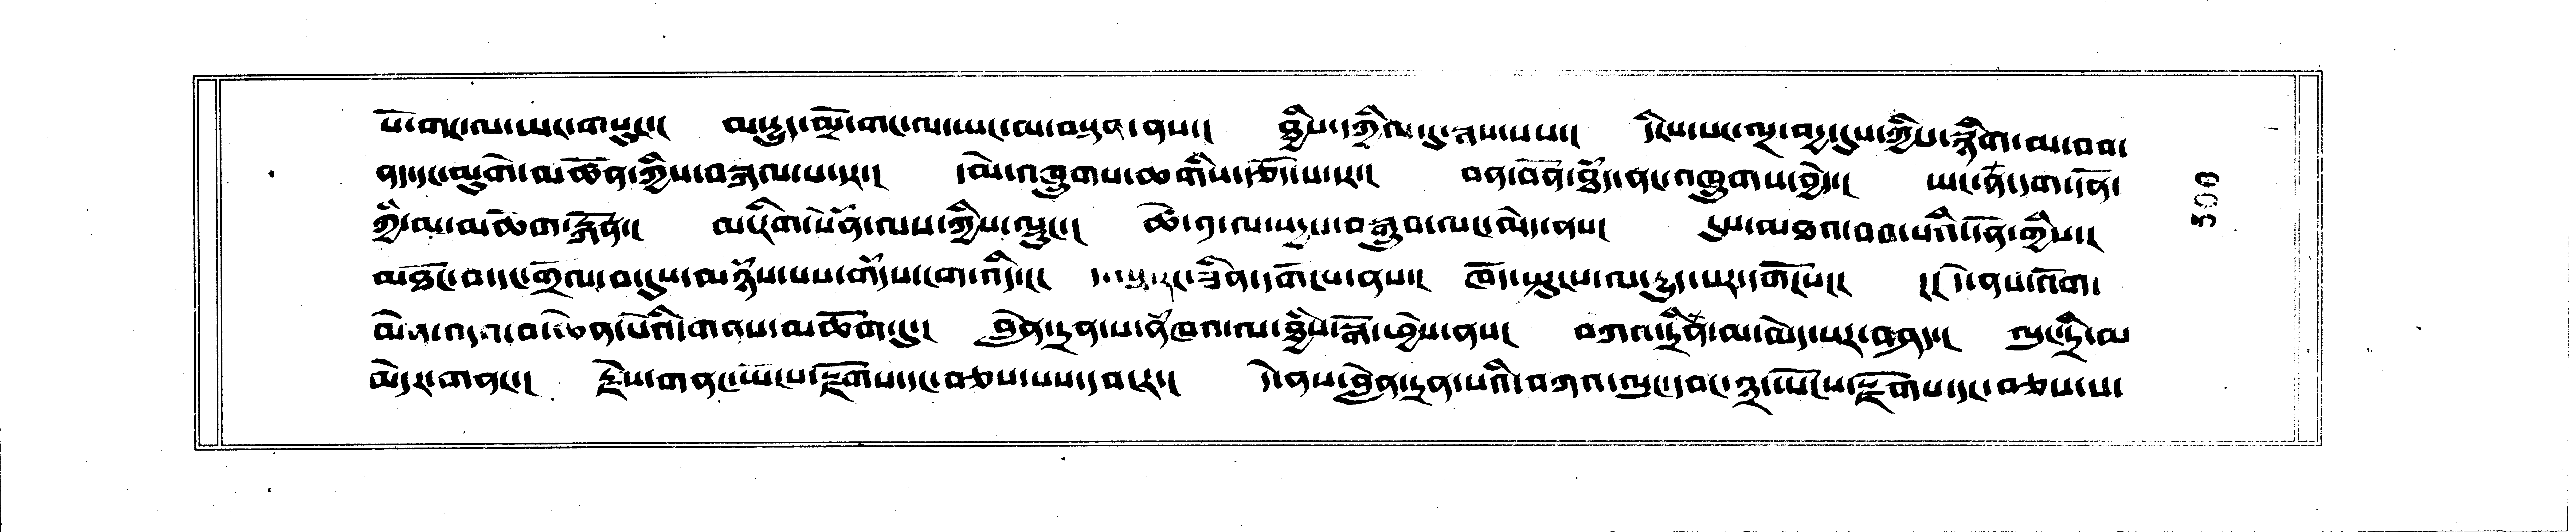པོ་གང་ལ་ཡང་མ་གསུངས། མ་རྒྱུད་མཁའ་འགྲོ་གང་ལ་ཡང་མ་བསྟན་ནས། ཐུགས་ཀྱི་དཀྱིལ་དུ་སྦས་པ། དེང་སང་ལྔ་བརྒྱ་དུས་ཀྱིས་སྙིག་མར་བབ། 
ནད་དང་མུག་གེ་མཚོན་གྱིས་སྐལ་པར་དར། དམེ་འཁྲུག་ཆགས་སྡང་གིས་རྩོད་པ་དར། བན་བོན་ཐམས་ཅད་ནང་འཁྲུག་བྱེད། ཡང་དག་དོན་
སྟོན་མི་མཆོག་དཀོན། མ་རིག་སེམས་ཅན་ལས་ཀྱི་ལྟུང་། ཚེ་གཅིག་ལས་སངས་རྒྱས་བསྒྲུབ་ལོང་མེད་ནས། དུས་མཐའ་ལ་བབ་པའི་དོན་གྱིས། 
མཐོང་པ་དང་གྲོལ་བ་དུས་མཉམ་པའི་གདམ་ངག་འདི། ད་ལྟ་རན་ཟིན་དགོངས་ནས། ཁོད་སྤུངས་ལ་རྒྱུད་པར་དགོངས། དེ་ནས་འོག་
མིན་བདེ་བ་ཅན་གྱིས་གནས་མཆོག་དུ། བླ་ཆེན་དྲན་པ་ནམ་མཁའ་ལ་ཐུགས་ཀྱིས་སྒོ་ཕྱེས་ནས། བཀའ་དྲི་མ་མེད་པར་བཤད། ལུང་དྲི་མ་
མེད་པར་གནང་ངོ་། རྗེས་གནང་ཡོངས་རྫོགས་དང་བཅས་པའི་དབང་སྐུར། དེ་ནས་བླ་ཆེན་དྲན་པས་བཀའ་ལུང་དབང་གསུམ་ཡང་། ཡོངས་རྫོགས་དང་བཅས་པ་